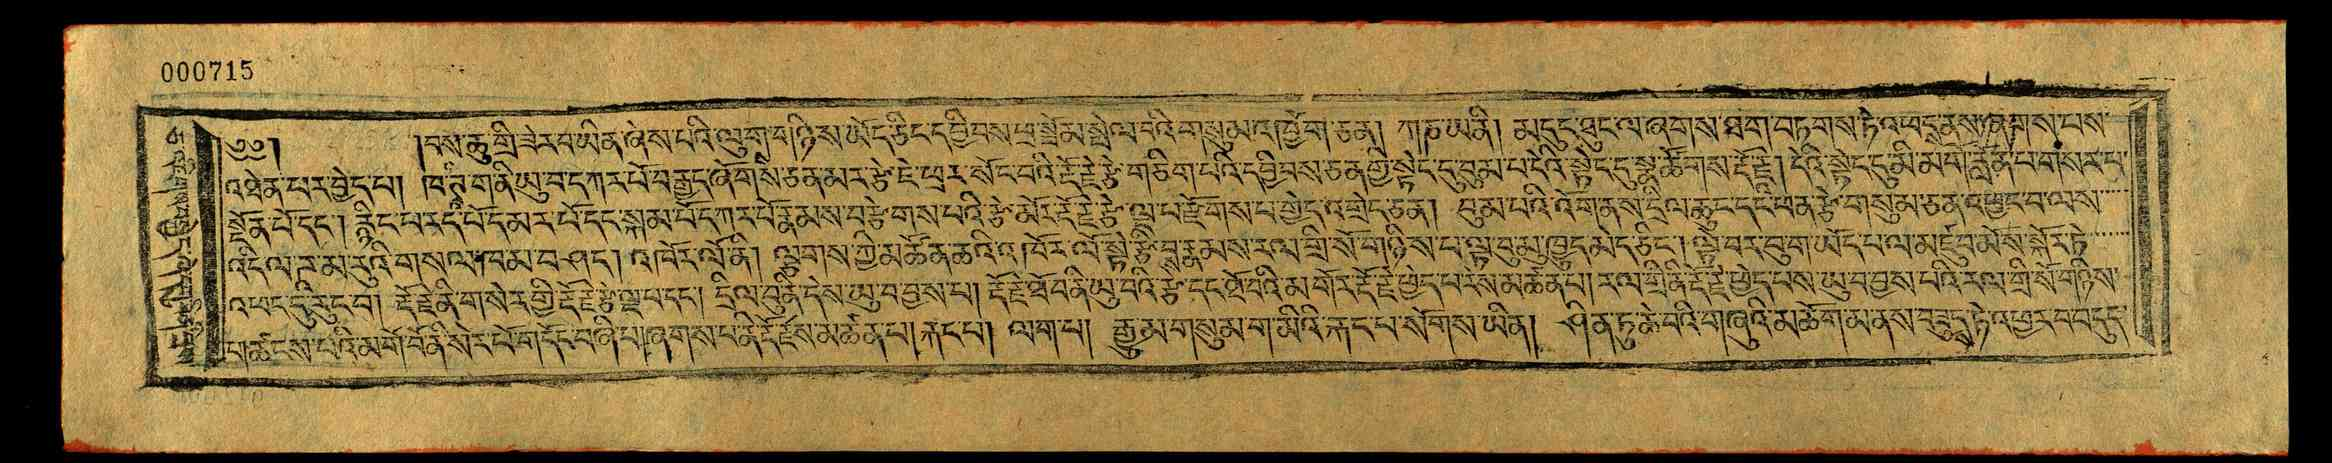༄༅། །བས་ཆུ་གྲི་ཟེར་བ་ཡིན་ཞེས་པའི་ལུགས་གཉིས་ཡོད་ཅིང་དབྱིབས་ཕྲ་སྦོམ་སྤེལ་བའི་གསུམ་འཁྱོག་ཅན། ཀ་ཎ་ཡ་ནི། མདུང་ཐུང་ལ་ཞགས་ཐག་བཏགས་ཏེ་འཕངས་ནས་ཞགས་པས་
འཐེན་པར་བྱེད་པ། ཁཱ་ཊཾ་ག་ནི་ཡུ་བ་དཀར་པོ་བརྒྱད་ཞོགས་ཅན་མར་རྩེ་ཇེ་ཕྲར་སོང་བའི་རྡོ་རྗེ་རྩེ་གཅིག་པའི་དབྱིབས་ཅན་གྱི་སྟེང་དུ་བུམ་པ་དེའི་སྟེང་དུ་སྣ་ཚོགས་རྡོ་རྗེ། དེའི་སྟེང་དུ་མི་མགོ་རློན་པ་གསར་པ་
སྔོན་པོ་དང་། རྙིང་པ་རད་པོ་དམར་པོ་དང་སྐམ་པོ་དཀར་པོ་རྣམས་བརྩེགས་པའི་རྩེ་མོར་རྡོ་རྗེ་རྩེ་ལྔ་པ་རྫོགས་པ་གྱེན་འགྲེང་ཅན། བུམ་པའི་འོག་ནས་དྲིལ་ཆུང་དང་ཕན་རྩེ་གསུམ་ཅན་འཕྱུང་བ་ལས་
འདི་ལ་ཌཱ་མ་རུའི་གསལ་ཁམ་བཤད། འཁོར་ལོ་ནི། ལྕགས་ཀྱི་མཚོན་ཆའི་འཁོར་ལོ་སྟེ་རྩིབས་རྣམས་རལ་གྲི་སོ་གཉིས་པ་ལྟ་བུ་མུ་ཁྱུད་མེད་ཅིང་། ལྟེ་བར་བུ་ག་ཡོད་པ་ལ་མཛུབ་མོས་སྐོར་ཏེ་
འཕང་དུ་རུང་བ། རྡོ་རྗེ་ནི་གསེར་གྱི་རྡོ་རྗེ་རྩེ་ལྔ་པ་དང་། དྲིལ་བུ་ནི་དེས་ཡུབ་བྱས་པ། རྡོ་རྗེ་ཐོ་བ་ནི་ཡུ་བའི་རྩེ་དང་ཐོ་བའི་མགོར་རྡོ་རྗེ་ཕྱེད་པ་རེས་མཚན་པ། རལ་གྲི་ནི་རྡོ་རྗེ་ཕྱེད་པས་ཡུ་བ་བྱས་པའི་རལ་གྲི་སོ་གཉིས་
པ་ཚངས་པའི་མགོ་བོ་ནི་སེར་པོ་གདོང་བཞི་པ། ཞགས་པ་ནི་རྡོ་རྗེས་མཚན་པ། རྐང་པ། ལག་པ། རྒྱུ་མ་གསུམ་ག་མིའི་རྐང་པ་སོགས་ཡིན། ཤིན་ཏུ་ཆེ་བའི་གཞུའི་མཆོག་མ་ནས་བཟུངས་སྟེ་འཕྱར་བ་བདུད་